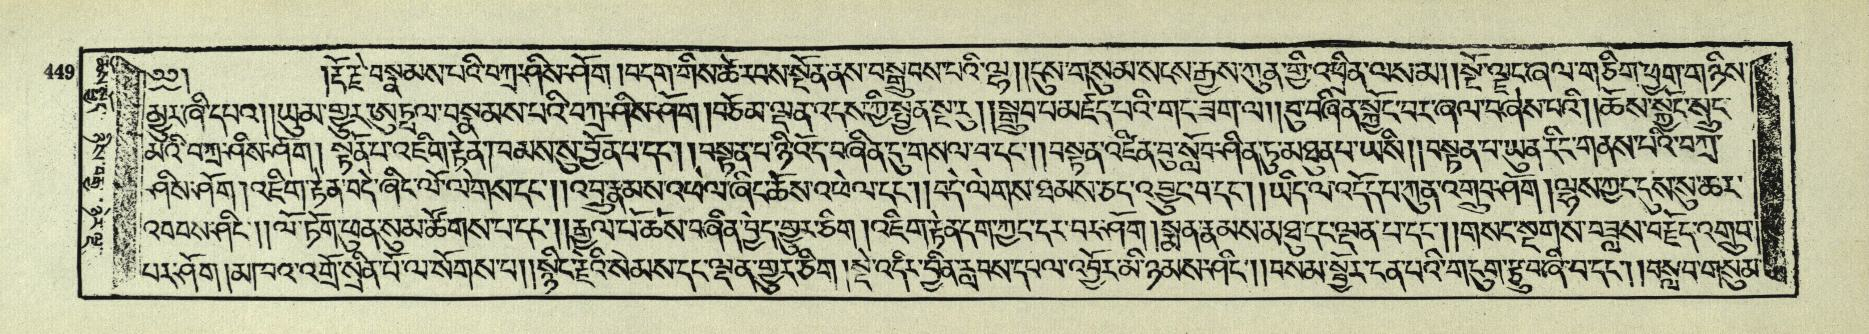༄༅། །རྡོ་རྗེ་བསྣམས་པའི་བཀྲ་ཤིས་ཤོག །བདག་གིས་ཚེ་རབས་སྔོན་ནས་བསྒྲུབས་པའི་ལྷ། །དུས་གསུམ་སངས་རྒྱས་ཀུན་གྱི་འཕྲིན་ལས་མ། །སྔོ་ལྗང་ཞལ་གཅིག་ཕྱག་གཉིས་
མྱུར་ཞི་དཔའ། །ཡུམ་གྱུར་ཨུཏྤལ་བསྣམས་པའི་བཀྲ་ཤིས་ཤོག །བཅོམ་ལྡན་འདས་ཀྱི་སྤྱན་སྔ་རུ། །སྒྲུབ་པ་མཛད་པའི་གང་ཟག་ལ། །བུ་བཞིན་སྐྱོང་བར་ཞལ་བཞེས་པའི། །ཆོས་སྐྱོང་སྲུང་
མའི་བཀྲ་ཤིས་ཤོག །སྟོན་པ་འཇིག་རྟེན་ཁམས་སུ་བྱོན་པ་དང་། །བསྟན་པ་ཉི་འོད་བཞིན་དུ་གསལ་བ་དང་། །བསྟན་འཛིན་བུ་སློབ་ཤིན་ཏུ་མཐུན་པ་ཡིས། །བསྟན་པ་ཡུན་རིང་གནས་པའི་བཀྲ་
ཤིས་ཤོག །འཇིག་རྟེན་བདེ་ཞིང་ལོ་ལེགས་དང་། །འབྲུ་རྣམས་འཕེལ་ཞིང་ཆོས་འཕེལ་དང་། །བདེ་ལེགས་ཐམས་ཅད་འབྱུང་བ་དང་། །ཡིད་ལ་འདོད་པ་ཀུན་འགྲུབ་ཤོག །ལྷས་ཀྱང་དུས་སུ་ཆར་
འབབས་ཤིང་། །ལོ་ཏོག་ཕུན་སུམ་ཚོགས་པ་དང་། །རྒྱལ་པོ་ཆོས་བཞིན་བྱེད་གྱུར་ཅིག །འཇིག་རྟེན་དག་ཀྱང་དར་བར་ཤོག །སྨན་རྣམས་མཐུ་དང་ལྡན་པ་དང་། །གསང་སྔགས་བཟླས་བརྗོད་འགྲུབ་
པར་ཤོག། །མཁའ་འགྲོ་སྲིན་པོ་ལ་སོགས་པ། །སྙིང་རྗེའི་སེམས་དང་ལྡན་གྱུར་ཅིག །སྡེ་འདིར་བྱིན་རླབས་དཔལ་འབྱོར་མི་ཉམས་ཤིང་། །བསམ་སྦྱོར་ངན་པའི་གདུག་རྩུབ་ཞི་བ་དང་། །བསླབ་གསུམ་